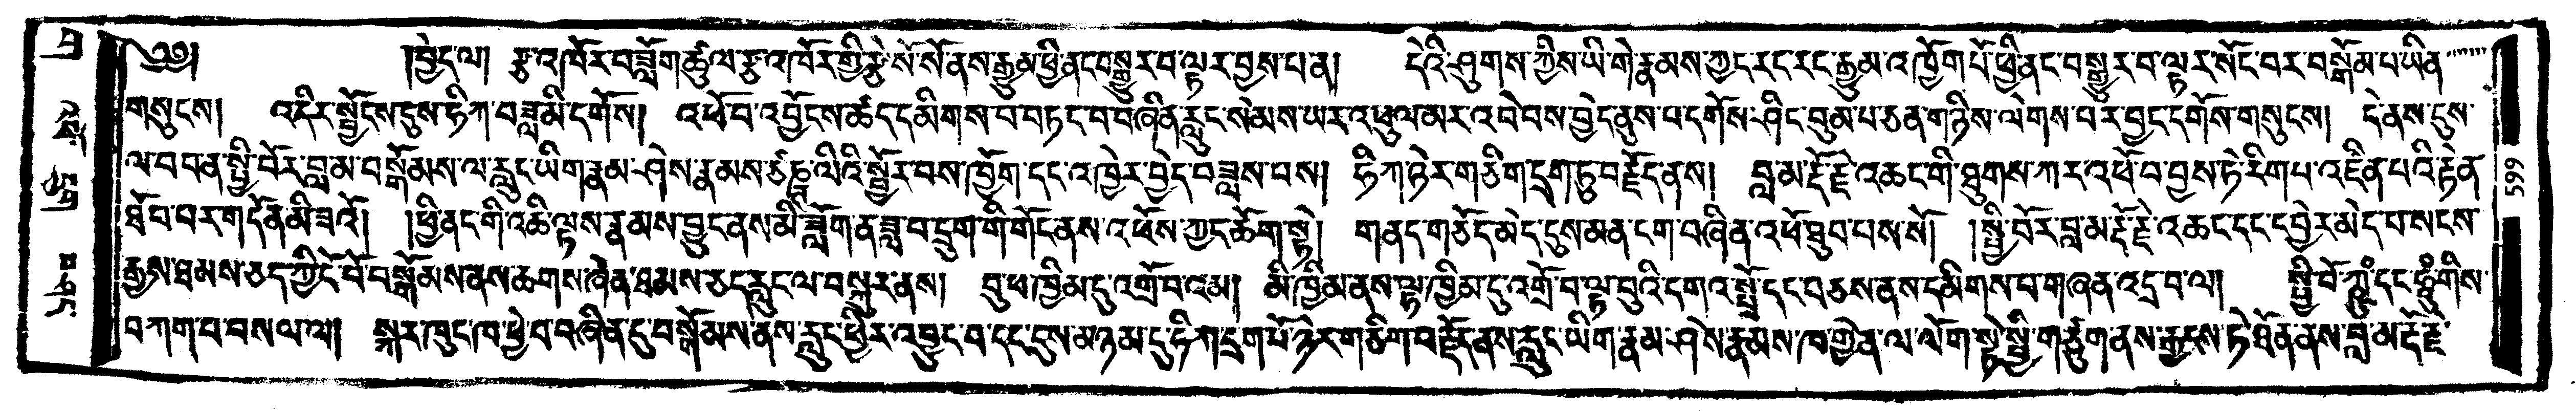༄༅། །བྱེད་ལ། རྩ་འཁོར་བཟློག་ཚུལ་རྩ་འཁོར་གྱི་རྩེ་སོ་སོ་ནས་རྒྱུ་མ་ཕྱི་ནང་བསྒྱུར་བ་ལྟར་བྱས་པ་ན། དེའི་ཤུགས་ཀྱིས་ཡི་གེ་རྣམས་ཀྱང་རང་རང་རྒྱུ་མ་འཁྱོག་པོ་ཕྱི་ནང་བསྒྱུར་བ་ལྟར་སོང་བར་བསྒོམ་པ་ཡིན་
གསུངས། འདིར་སྦྱོངས་དུས་ཧིཀ་བཟླ་མི་དགོས། འཕོ་བ་འབྱོངས་ཚད་དམིགས་པ་བཏང་བ་བཞིན་རླུང་སེམས་ཡར་འཕུལ་མར་འབེབས་བྱེད་ནུས་པ་དགོས་ཤིང་བུམ་པ་ཅན་གཉིས་ལེགས་པར་བྱང་དགོས་གསུངས། དེ་ནས་དུས་
ལ་བབ་ན་སྤྱི་བོར་བླ་མ་བསྒོམས་ལ་རླུང་ཡིག་རྣམ་ཤེས་རྣམས་ཙཎྚ་ལིའི་སྦྱོར་བས་ཁྱོག་དང་འཁྱེར་བྱེད་བཟླས་པས། ཧིཀ་ཉེར་གཅིག་དྲག་ཏུ་བརྗོད་ནས། བླ་མ་རྡོ་རྗེ་འཆང་གི་ཐུགས་ཀར་འཕོ་བ་བྱས་ཏེ་རིག་པ་འཛིན་པའི་རྟེན་
ཐོབ་པར་གདོན་མི་ཟའོ། །ཕྱི་ནང་གི་འཆི་ལྟས་རྣམས་བྱུང་ནས་མི་ཟློག་ན་ཟླ་བ་དྲུག་གི་གོང་ནས་འཕོས་ཀྱང་ཆོག་སྟེ། གནད་གཅོད་མེད་དུས་མན་ངག་བཞིན་འཕོ་ཐུབ་པས་སོ། །སྤྱི་བོར་བླ་མ་རྡོ་རྗེ་འཆང་དང་དབྱེར་མེད་པ་སངས་
རྒྱས་ཐམས་ཅད་ཀྱི་ངོ་བོ་བསྒོམས་ནས་ཆགས་ཞེན་ཐམས་ཅད་རླུང་ལ་བསྐུར་ནས། བུ་ཕ་ཁྱིམ་དུ་འགྲོ་བའམ། མི་ཁྱིམ་ནས་ལྷ་ཁྱིམ་དུ་འགྲོ་བ་ལྟ་བུའི་དགའ་སྤྲོ་དང་བཅས་ནས་དམིགས་པ་གཞན་འདྲ་བ་ལ། སྤྱི་བོ་ཀྵུཾ་དང་ཧཱུཾ་གིས་
བཀག་པ་བསལ་ལ། སྐར་ཁུང་ཁ་ཕྱེ་བ་བཞིན་དུ་བསྒོམས་ནས་རླུང་ཕྱིར་འབྱུང་བ་དང་དུས་མཉམ་དུ་ཧིཀ་དྲག་པོ་ཉེར་གཅིག་བརྗོད་ནས་རླུང་ཡིག་རྣམ་ཤེས་རྣམས་ཁ་གྱེན་ལ་ལོག་སྟེ་སྤྱི་གཙུག་ནས་རྒྱངས་ཏེ་ཐོན་ནས་བླ་མ་རྡོ་རྗེ་